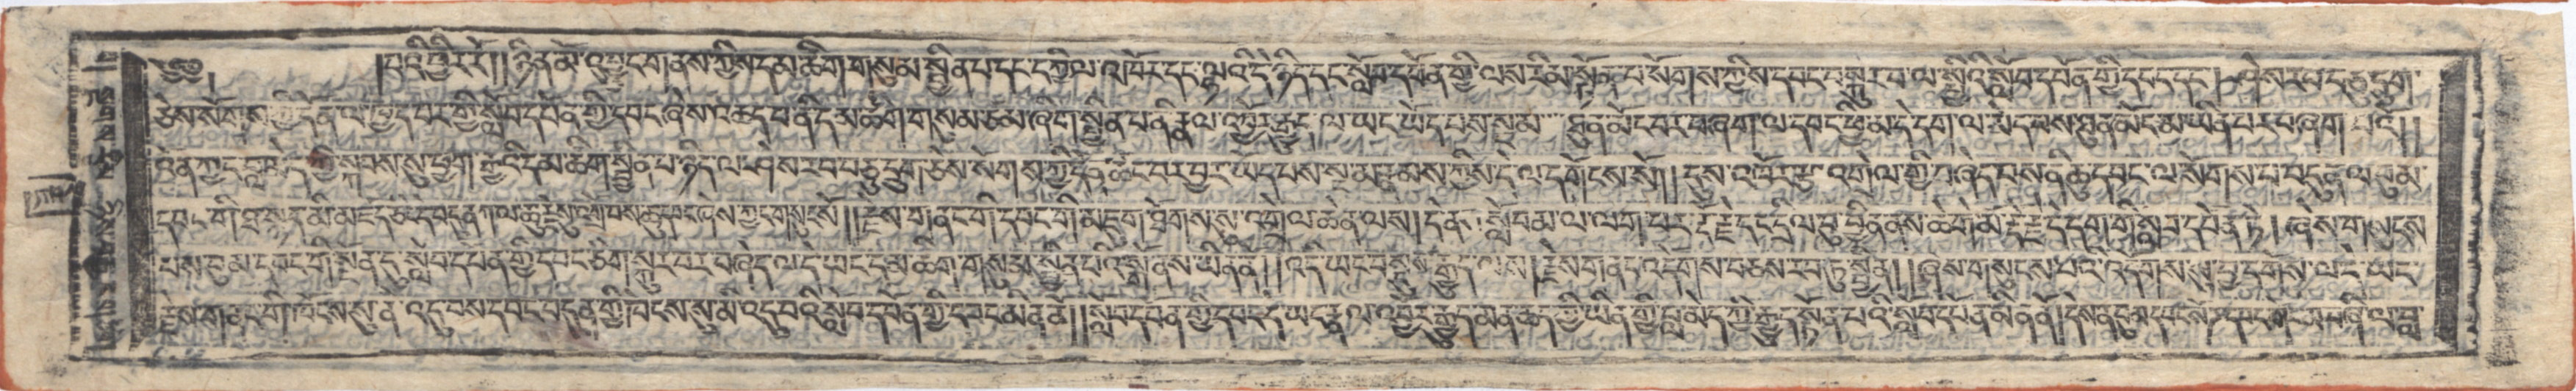༄༅། །པའི་ཕྱིར་རོ། །ཉིན་མོ་འབྱུང་གནས་ཀྱིས་དམ་ཚིག་གསུམ་སྦྱིན་པ་དང་དཀྱིལ་འཁོར་དང་ལྷའི་དེ་ཉིད་དང་སློབ་དཔོན་གྱི་ལས་རིམ་སྟོན་པ་སོགས་ཀྱིས་དབང་བསྐུར་བ་ལ་སྤྱིའི་སློབ་དཔོན་གྱི་དབང་དང་། ཤེས་རབ་བཅུ་དྲུག་
ཅེས་སོགས་ཀྱི་དོན་ལ་ཁྱད་པར་གྱི་སློབ་དཔོན་གྱི་དབང་ཞེས་འཆད་པ་ནི་དམ་ཚིག་གསུམ་ཙམ་ཞིག་སྤྱིན་པ་ནི་རྣལ་འབྱོར་རྒྱུད་ལ་ཡང་ཡོད་པས་སྔ་མ་ཐུན་མོང་བར་བཞག་ལ་དབང་ཕྱི་མ་དེ་དག་ལ་མེད་པས་ཐུན་མོང་མ་ཡིན་པར་བཞག་པའོ། །
འོན་ཀྱང་བླ་མེད་ཀྱི་སྐབས་སུ་ཕྱག་རྒྱའི་དམ་ཚིག་སྦྱིན་པ་ཉིད་ལ་ཤེས་རབ་བཅུ་དྲུག་ཅེས་སོགས་ཀྱི་དོན་ཚང་བར་བྱར་ཡོད་པས་སྔ་མ་རྣམས་ཀྱིས་དེ་ལ་དགོངས་སོ། །དུས་འཁོར་རྩ་འགྲེལ་གྱི་བཞེད་པས་ནི་ཆུ་དབང་ལ་སོགས་པ་བདུན་ལ་བུམ་
དབང་གི་ཐ་སྙད་མི་མཛད་ཅིང་དེ་བདུན་ཀ་ལ་ཆུ་རྗེས་སུ་འགྲོ་བས་ཆུ་དབང་ཞེས་ཀྱང་གསུངས་སོ། །རྗེས་གནང་གི་དབང་གི་མཇུག་ཐོགས་སུ་འགྲེལ་ཆེན་ལས། དེ་ནས་སློབ་མ་ལ་ལག་པར་རྡོ་རྗེ་དང་དྲིལ་བུ་བྱིན་ནས་ཆེ་གེ་མོ་རྡོ་རྗེ་དེ་དག་གི་སློབ་དཔོན་ཏེ། ཞེས་གསུངས་
པས་བུམ་དབང་གི་སྔོན་དུ་སློབ་དཔོན་གྱི་དབང་ཅིག་སྐུར་བར་བཞེད་ལ་དེ་ཡང་དམ་ཚིག་གསུམ་སྦྱིན་པའི་སྒོ་ནས་ཡིན་ནོ། །འདི་ཡང་བསྡུས་རྒྱུད་ལས། རྗེས་གནང་འདོགས་བཅས་རབ་ཏུ་སྦྱིན། །ཞེས་གསུངས་པའི་འདོགས་སུ་བྱ་དགོས་ལ་དེ་ཡང་
རྗེས་གནང་གི་ཁོངས་སུ་ནི་འདུ་བས་དབང་བདུན་གྱི་ཁེངས་སུ་མི་འདུ་བའི་སློབ་དཔོན་གྱི་དབང་མིན་ནོ། །སློབ་དཔོན་གྱི་དབང་དེ་ཡང་རྣལ་འབྱོར་རྒྱུད་མན་ཆད་ཀྱི་ཡིན་གྱི་བླ་མེད་ཀྱི་རྒྱུད་སྟོན་པའི་སློབ་དཔོན་མིན་ནོ། དེས་ན་བུམ་དབང་སོགས་དབང་གོང་མ་བཞི་ལ་བླ་